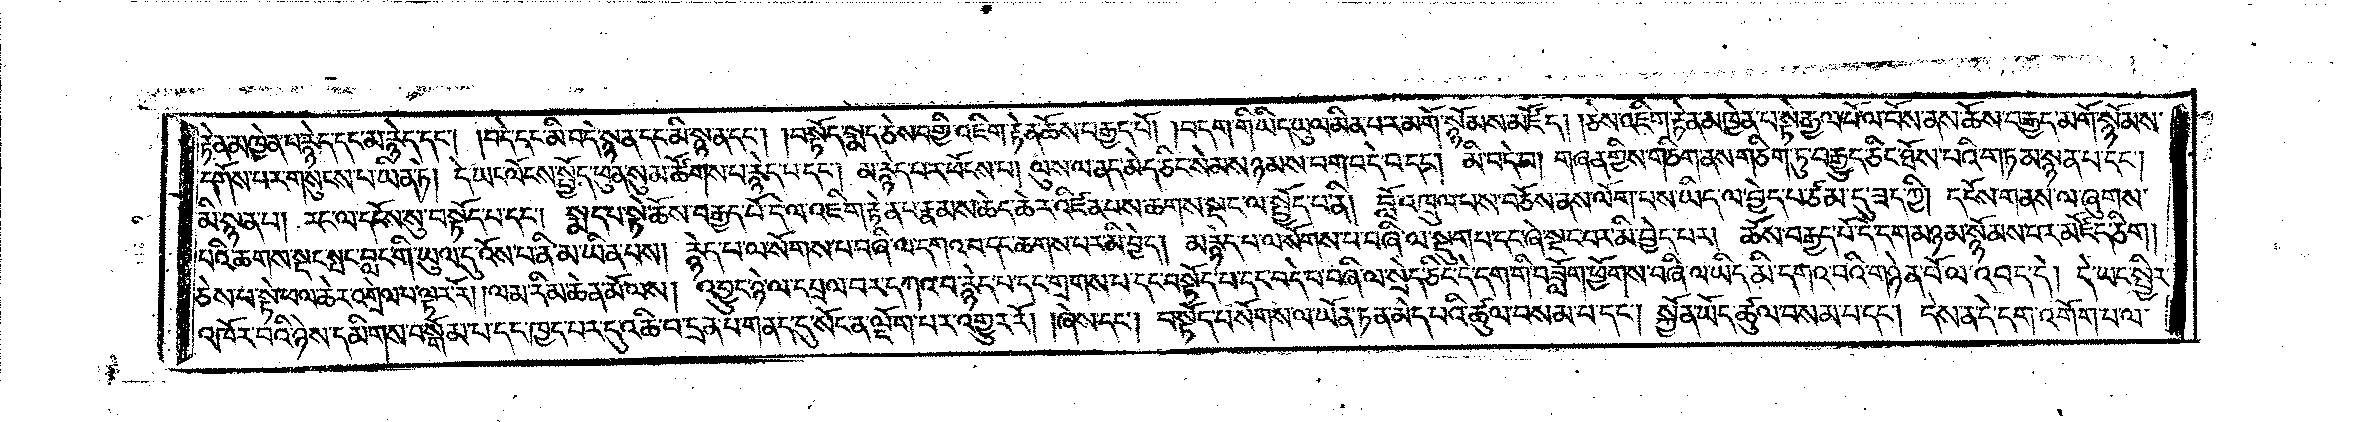རྟེན་མཁྱེན་པ་རྙེད་དང་མ་རྙད་དང་། །བདེ་དང་མི་བདེ་སྙན་དང་མི་སྙན་དང་། །བསྟོད་སྨད་ཅེས་བགྱི་འཇིག་རྟེན་ཆོས་བརྒྱད་པོ། །བདག་གི་ཡིད་ཡུལ་མིན་པར་མགོ་སྙོམས་མཛོད། །ཅེས་འཇིག་རྟེན་མཁྱེན་པ་སྟེ་རྒྱལ་པོ་ལ་བོས་ནས་ཆོས་བརྒྱད་མགོ་སྙོམས་
དགོས་པར་གསུངས་པ་ཡིན་ཏེ། དེ་ཡང་ལོངས་སྤྱོད་ཕུན་སུམ་ཚོགས་པ་རྙེད་པ་དང་། མ་རྙེད་པར་ཕོངས་པ། ལུས་ལ་ནད་མེད་ཅིང་སེམས་ཉམས་བག་བདེ་བ་དང་། མི་བདེ་བ། གཞན་གྱིས་གཅིག་ནས་གཅིག་ཏུ་བརྒྱུད་ཅིང་ཐོས་པའི་གཏམ་སྙན་པ་དང་།
མི་སྙན་པ། རང་ལ་དངོས་སུ་བསྟོད་པ་དང་། སྨད་པ་སྟེ་ཆོས་བརྒྱད་པོ་དེ་ལ་འཇིག་རྟེན་པ་རྣམས་ཆེད་ཆེར་འཛིན་པས་ཆགས་སྡང་ལ་སྤྱོད་པ་ནི། བློ་འཁྲུལ་པས་བཅོས་ནས་ལོག་པས་ཡིད་ལ་བྱེད་པ་ཙམ་དུ་ཟད་ཀྱི། དངོས་གནས་ལ་ཞུགས་
པའི་ཆགས་སྡང་སྤང་བླང་གི་ཡུལ་དུ་འོས་པ་ནི་མ་ཡིན་པས། རྙེད་པ་ལ་སོགས་པ་བཞི་ལ་དགའ་བ་དང་ཆགས་པར་མི་བྱེད། མ་རྙེད་པ་ལ་སོགས་པ་བཞི་ལ་སྡུག་པ་དང་ཞེ་སྡང་བར་མི་བྱེད་པར། ཆོས་བརྒྱད་པོ་དེ་དག་མཉམ་སྙོམས་པར་མཛོད་ཅིག།
ཅེས་པ་སྟེ་ཕལ་ཆེར་འགྲེལ་པ་ལྟར་རོ། །ལམ་རིམ་ཆེན་མོ་ལས། འབྱུང་ཉེ་ལ་དཔྲལ་བར་དཀའ་བ་རྙེད་པ་དང་གྲགས་པ་དང་བསྟོད་པ་དང་བདེ་བ་བཞི་ལ་སྲེད་ཅིང་དེ་དག་གི་བཟློག་ཕྱོགས་བཞི་ལ་ཡིད་མི་དགའ་བའི་གཉེན་པོ་ལ་འབད་དེ། དེ་ཡང་སྤྱིར་
འཁོར་བའི་ཉེས་དམིགས་བསྒོམ་པ་དང་ཁྱད་པར་དུ་འཆི་བ་དྲན་པ་གནད་དུ་སོང་ན་ལྡོག་པར་འགྱུར་རོ། །ཞེས་དང་། བསྟོད་པ་སོགས་ལ་ཡོན་ཏན་མེད་པའི་ཚུལ་བསམ་པ་དང་། སྐྱོན་ཡོད་ཚུལ་བསམ་པ་དང་། དེས་ན་དེ་དག་འགོག་པ་ལ་